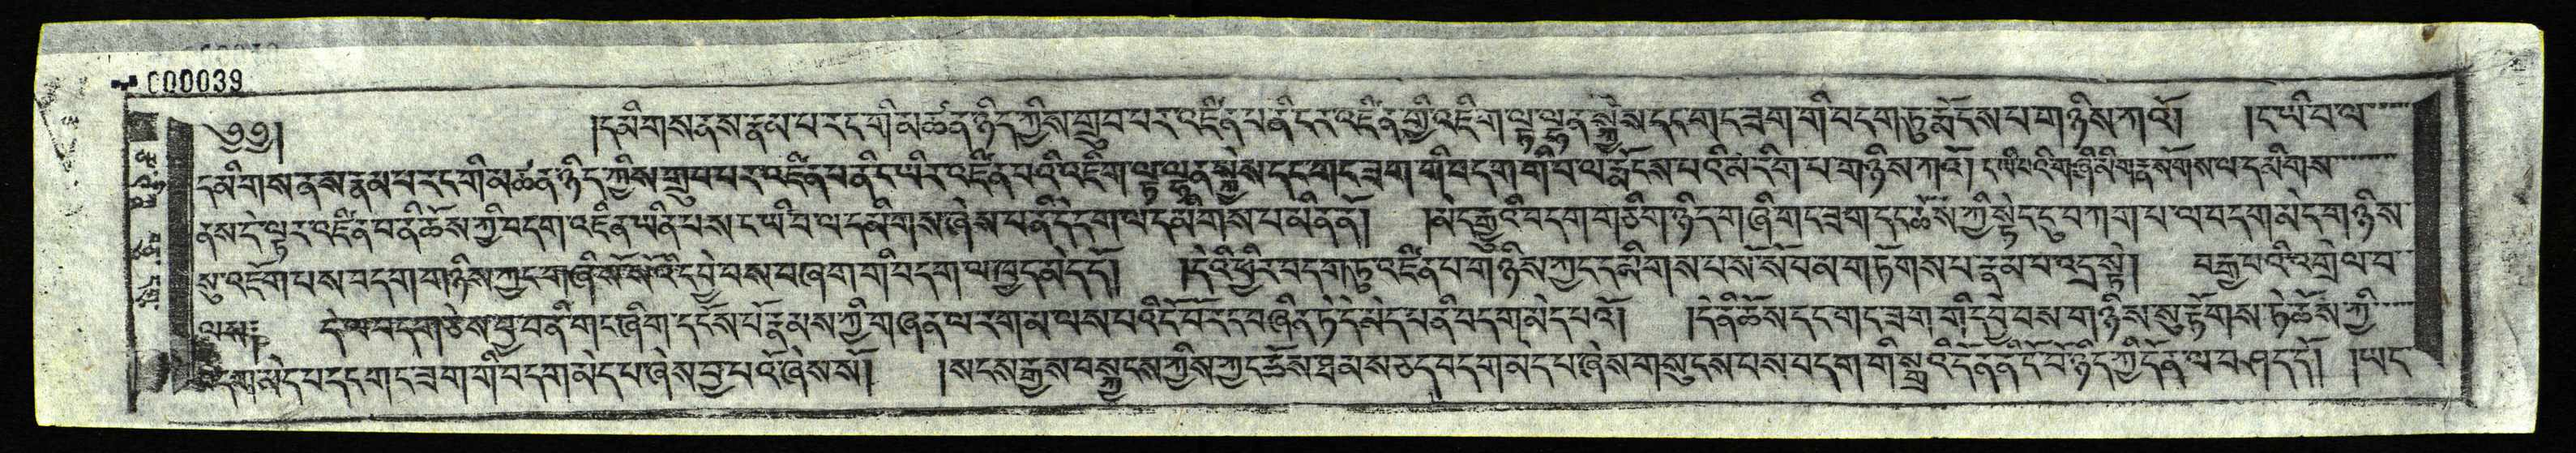༄༅། །དམིགས་ནས་རྣམ་པ་རང་གི་མཚན་ཉིད་ཀྱིས་གྲུབ་བར་འཛིན་པ་ནི་ངར་འཛིན་གྱི་འཇིག་ལྟ་ལྷན་སྐྱེས་དང་གང་ཟག་གི་བདག་ཏུ་རྨོངས་པ་གཉིས་ཀའོ། །ང་ཡི་བ་ལ་
དམིགས་ནས་རྣམ་པ་རང་གི་མཚན་ཉིད་ཀྱིས་གྲུབ་པར་འཛིན་པ་ནི་ང་ཡིར་འཛིན་པའི་འཇིག་ལྟ་ལྷན་སྐྱེས་དང་གང་ཟག་གི་བདག་གི་བ་ལ་རྨོངས་པའི་མ་རིག་པ་གཉིས་ཀའོ། ང་ཡི་པའི་གཞི་མིག་རྣ་སོགས་ལ་དམིགས་
ནས་དེ་ལྟར་འཛིན་བ་ནི་ཆོས་ཀྱི་བདག་འཛིན་ཡིན་པས་ང་ཡི་བ་ལ་དམིགས་ཞེས་པ་ནི་དེ་དག་ལ་དམིགས་པ་མིན་ནོ། །མེད་རྒྱུའི་བདག་གཅིག་ཉིད་གཞི་གང་ཟག་དང་ཆོས་ཀྱི་སྟེང་དུ་བཀག་པ་ལ་བདག་མེད་གཉིས་
སུ་འཇོག་པས་བདག་གཉིས་ཀྱང་གཞི་སོ་སོའི་དབྱེ་བས་བཞག་གི་བདག་ལ་ཁྱད་མེད་དོ། །དེའི་ཕྱིར་བདག་ཏུ་འཛིན་པ་གཉིས་ཀྱང་དམིགས་པ་སོ་སོ་བ་མ་གཏོགས་པ་རྣམ་པ་འདྲ་སྟེ། བརྒྱ་པའི་འགྲེལ་བ་
ལས༑ དེ་ལ་བདག་ཅེས་བྱ་བ་ནི་གང་ཞིག་དངོས་པོ་རྣམས་ཀྱི་གཞན་ལ་རག་མ་ལས་པའི་ངོ་བོ་རང་བཞིན་ཏེ་དེ་མེད་པ་ནི་བདག་མེད་པའོ། །དེ་ནི་ཆོས་དང་གང་ཟག་གི་དབྱེ་བས་གཉིས་སུ་རྟོགས་ཏེ་ཆོས་ཀྱི་
བདག་མེད་པ་དང་གང་ཟག་གི་བདག་མེད་པ་ཞེས་བྱ་པའོ་ཞེས་སོ། །སངས་རྒྱས་བསྐྱངས་ཀྱིས་ཀྱང་ཆོས་ཐམས་ཅད་བདག་མེད་པ་ཞེས་གསུངས་པས་བདག་གི་སྒྲའི་དོན་ནི་ངོ་བོ་ཉིད་ཀྱི་དོན་ལ་བཤད་དོ། །ཡང་